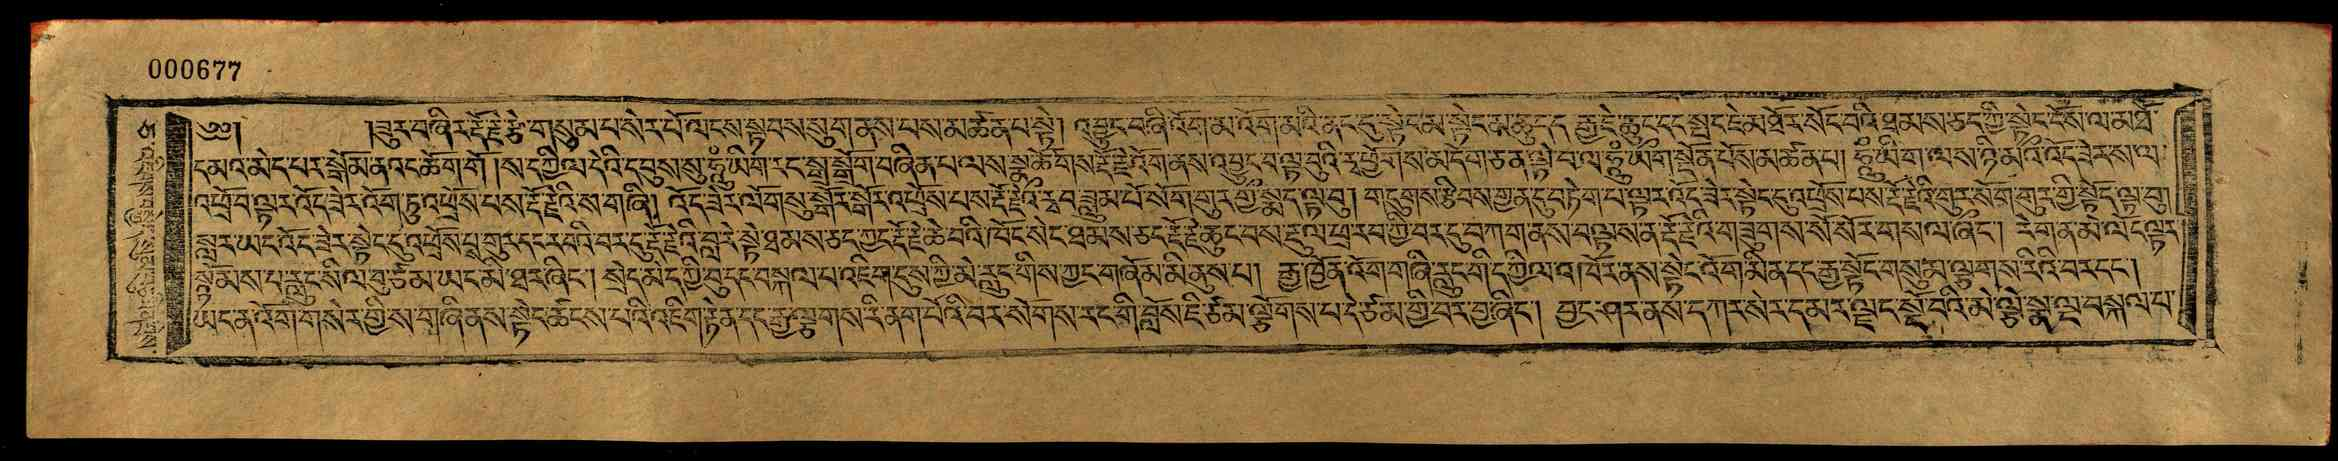༄༅། །ཟུར་བཞིར་རྡོ་རྗེ་རྩེ་གསུམ་པ་སེར་པོ་ལངས་སྟབས་སུ་གནས་པས་མཚན་པ་སྟེ། འབྱུང་བཞི་འོག་མ་འོག་མའི་ནང་དུ་སྟེང་མ་སྟེང་མ་ཆུད་དེ་རྒྱ་ཇེ་ཆུང་དང་སྤང་ཇེ་མཐོར་སོང་བའི་ཐམས་ཅད་ཀྱི་སྟེང་ངོས་ལ་མཐོ་
དམའ་མེད་པར་སྒོམ་ནའང་ཆོག་གོ །ས་དཀྱིལ་དེའི་དབུས་སུ་ཧཱུཾ་ཡིག་རང་སྒྲ་སྒྲོག་བཞིན་པ་ལས་སྣ་ཚོགས་རྡོ་རྗེ་འོག་ནས་འབྱུང་བ་ལྟ་བུའི་རྭ་ཕྱོགས་མདོག་ཅན་ལྟེ་བ་ལ་ཧཱུཾ་ཡིག་སྔོན་པོས་མཚན་པ། ཧཱུཾ་ཡིག་ལས་ཉི་མའི་འོད་ཟེར་ས་ལ་
འཕྲོ་བ་ལྟར་འོད་ཟེར་འོག་ཏུ་འཕྲོས་པས་རྡོ་རྗེའི་ས་གཞི། འོད་ཟེར་ལོགས་སུ་སྒོར་སྒོར་འཕྲོས་པས་རྡོ་རྗེའི་རྭ་བ་ཟླུམ་པོ་སོག་གུར་གྱི་སྨད་ལྟ་བུ། གདུགས་རྩིབས་གྱེན་དུ་བཏེག་པ་ལྟར་འོད་ཟེར་སྟེང་དུ་འཕྲོས་པས་རྡོ་རྗེའི་གུར་སོགས་གུར་གྱི་སྟོང་ལྟ་བུ།
སླར་ཡང་འོད་ཟེར་སྟེང་དུ་འཕྲོས་པས་གུར་དང་རྭ་བའི་བར་དུ་རྡོ་རྗེའི་བླ་རེ་སྟེ་ཐམས་ཅད་ཀྱང་རྡོ་རྗེ་ཆེ་བའི་ཁོང་སེང་ཐམས་ཅད་རྡོ་རྗེ་ཆུང་བས་རྡུལ་ཕྲ་རབ་ཀྱི་བར་དུ་བཀག་ནས་བལྟས་ན་རྡོ་རྗེའི་གཟུགས་སོ་སོར་གསལ་ཞིང་། རེག་ན་མེ་ལོང་ལྟར་
སྙོམས་པ་རླུང་སིལ་བུ་ཙམ་ཡང་མི་ཐར་ཞིང་། སྲེད་མེད་ཀྱི་བུ་དང་བསྐལ་པ་འཇིག་དུས་ཀྱི་མེ་རླུང་གིས་ཀྱང་གཞོམ་མི་ནུས་པ། རྒྱ་ཁྱོན་འོག་གཞི་རླུང་གི་དཀྱིལ་འཁོར་ནས་སྟེང་འོག་མིན་དང་རྒྱ་སྟོང་གསུམ་ལྕགས་རིའི་བར་དང་།
ཡང་ན་འོག་གསེར་གྱི་ས་གཞི་ནས་སྟེང་ཚངས་པའི་འཇིག་རྟེན་དང་རྒྱ་ལྕགས་རི་ནག་པོའི་བར་སོགས་རང་གི་བློས་ཇི་ཙམ་ལྕོགས་པ་དེ་ཙམ་གྱི་བར་བྱ་ཞིང་། བྱང་ཤར་ནས་དཀར་སེར་དམར་ལྗང་སྔོ་བའི་མེ་ལྕེ་སྣ་ལྔ་བསྐལ་པ་